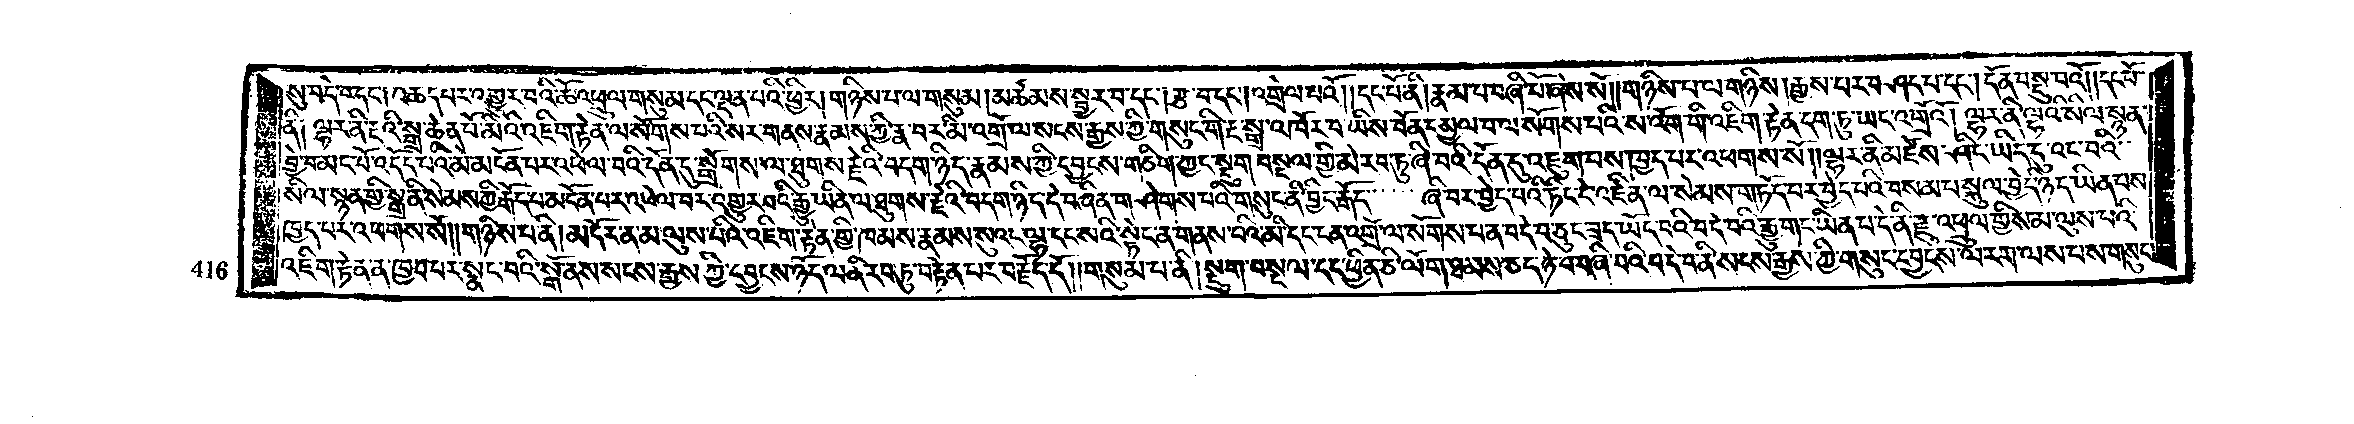སུ་བདེ་བ་དང་། འཆད་པར་འགྱུར་བའི་ཆོ་འཕྲུལ་གསུམ་དང་ལྡན་པའི་ཕྱིར། གཉིས་པ་ལ་གསུམ། མཚམས་སྦྱར་བ་དང་། རྩ་བ་དང་། འགྲེལ་པའོ། །དང་པོ་ནི། རྣམ་པ་བཞི་པོ་ཞེས་སོ། །གཉིས་པ་ལ་གཉིས། རྒྱས་པར་བཤད་པ་དང་། དོན་བསྡུ་བའོ། །དང་པོ་
ནི། ལྷར་ནི་རྔའི་སྒྲ་ཆེན་པོ་མིའི་འཇིག་རྟེན་ལ་སོགས་པའི་སར་གནས་རྣམས་ཀྱི་རྣ་བར་མི་འགྲོ་ལ་སངས་རྒྱས་ཀྱི་གསུང་གི་རྔ་སྒྲ་འཁོར་བ་ཡིས་བོན་དམྱལ་བ་ལ་སོགས་པའི་ས་འོག་གི་འཇིག་རྟེན་དག་ཏུ་ཡང་འགྲོའོ། །ལྷར་ནི་ལྷའི་སིལ་སྙན་
བྱེ་བ་མང་པོ་འདོད་པའི་མེ་མངོན་པར་འཕེལ་བའི་དོན་དུ་སྒྲོགས་ལ་ཐུགས་རྗེའི་བདག་ཉིད་རྣམས་ཀྱི་དབྱངས་གཅིག་ཀྱང་སྡུག་བསྔལ་གྱི་མེ་རབ་ཏུ་ཞི་བའི་དོན་དུ་འཇུག་པས་ཁྱད་པར་འཕགས་སོ། །ལྷར་ནི་མཛེས་ཤིང་ཡིད་དུ་འང་བའི་
སིལ་སྙན་གྱི་སྒྲ་ནི་སེམས་ཀྱི་རྒོད་པ་མངོན་པར་འཕེལ་བར་འགྱུར་བའི་རྒྱུ་ཡིན་ལ་ཐུགས་རྗེའི་བདག་ཉིད་དེ་བཞིན་གཤེགས་པའི་གསུང་ནི་བྱིང་རྒོད་ཞི་བར་བྱེད་པའི་ཏིང་ངེ་འཛིན་ལ་སེམས་གཏོད་པར་བྱེད་པའི་བསམ་པ་སྐུལ་བྱེད་ཉིད་ཡིན་པས་
ཁྱད་པར་འཕགས་སོ། །གཉིས་པ་ནི། མདོར་ན་མ་ལུས་པའི་འཇིག་རྟེན་གྱི་ཁམས་རྣམས་སུའང་ལྷ་དང་སའི་སྟེང་ན་གནས་པའི་མི་དང་ངན་འགྲོ་ལ་སོགས་པ་ན་བདེ་བ་ཅུང་ཟད་ཡོད་བའི་བདེ་བའི་རྒྱུ་གང་ཡིན་པ་དེ་ནི་རྫུ་འཕྲུལ་གྱིས་མ་ལུས་པའི་
འཇིག་རྟེན་ན་ཁྱབ་པར་སྣང་བའི་སྒོ་ནས་སངས་རྒྱས་ཀྱི་དབྱངས་ཉོད་ལ་ནི་རབ་ཏུ་བརྟེན་པར་བརྗོད་དོ། །གསུམ་པ་ནི། སྡུག་བསྔལ་དང་ཕྱིན་ཅི་ལོག་ཐམས་ཅད་ཉེ་བར་བཞི་བའི་བདེ་བ་ནི་སངས་རྒྱས་ཀྱི་གསུང་དབྱངས་ལ་རག་ལས་པས་གསུང་